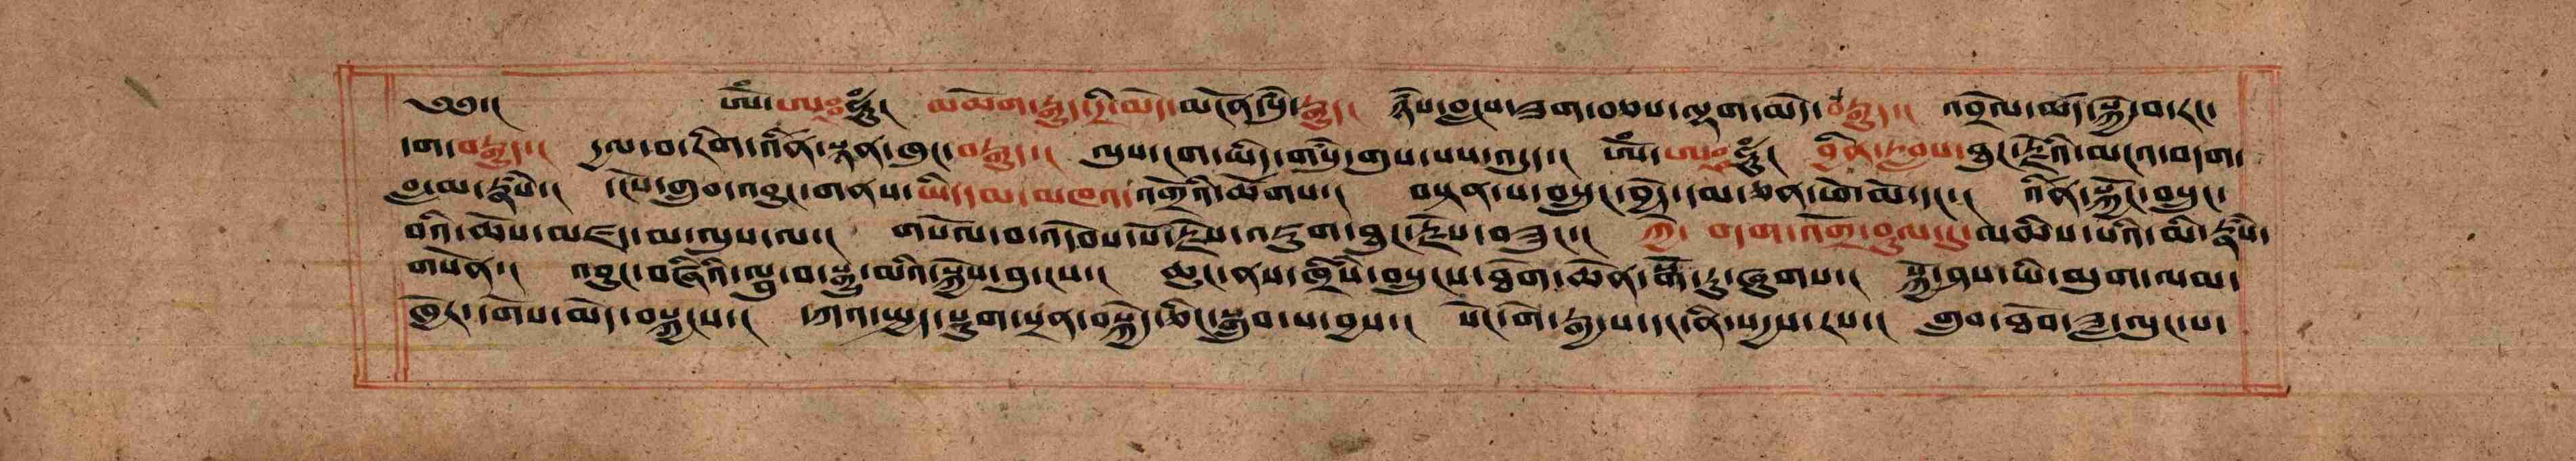༄༅། ཨོཾ་ཨཱཿཧཱུཾ། མཆོག་རྒྱུད་དྲི་མེད་མངོན་སུམ་རྒྱུད། ཉམས་བླངས་ཟག་བཅས་ལྷག་མེད་བརྒྱུད་། འབྲེལ་མཛད་སྐྱོ་བ་རང་
དག་བརྒྱུད་། རྒྱལ་བ་རིག་འཛིན་སྙན་ཁུང་བརྒྱུད་། ལུས་ངག་ཡིད་གསུམ་གུས་པས་འདུད། ཨོཾ་ཨཱཿཧཱུཾ། བྱིན་རླབས་ཐུགས་རྗེའི་མངའ་བདག་
བླ་མ་རྣམས། དངོས་གྲུབ་འབྱུང་གནས་ཡིད་དམ་མཁའ་འགྲོའི་ཚོགས། བསྟན་པ་བསྲུང་བྱེད་དམ་ཅན་ཕོ་མོ་དང་། འཛིན་སྐྱོང་བསྲུང་
བའི་ཆོས་མཛད་མ་ལུས་ལ། གསོལ་བ་འདེབས་སོ་རྗེས་འཇུག་ཐུགས་རྗེས་བཟུང་། ཀྱེ་བདག་འགྲོ་ཤུལ་དུ་མཆིས་པའི་མི་རྣམས་
གསོན། འབྱུང་བཞིའི་ལྦུ་བ་སྒྱུ་མའི་སྐྱེས་བུ་ངས། ཆུང་ནས་ཁྲིམས་བསྲུངས་ཐེག་ཆེན་སྒོ་རུ་ཞུགས། སྐྱོ་ཤས་ཡི་མུག་ལམ་
ཁྱེར་དགོས་མེད་བསྐྱངས། དཀའ་སྤྱད་སྡུག་སྲན་བསྐྱེད་ཅིང་སྒྲུབ་པ་བྱས། སེང་གེ་རྒྱ་པ་དང་ནི་སངས་རྒྱས་རས། གྲུབ་ཐོབ་ཟླ་ལུང་པ་